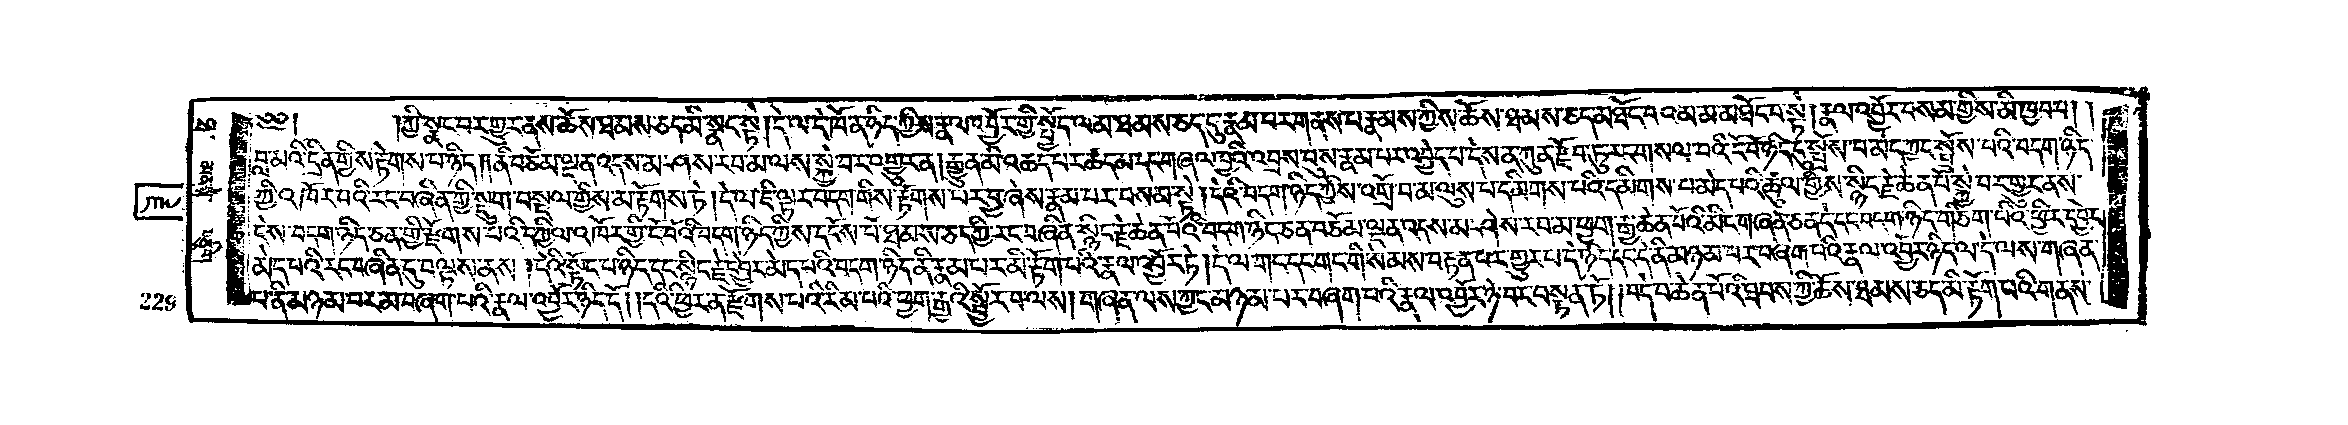༄༅། །ཀྱི་སྣང་བར་གྱུར་ནས་ཆོས་ཐམས་ཅད་མི་སྣང་སྟེ། དེ་ལ་དེ་ཁོ་ན་ཉིད་ཀྱིས་རྣལ་འབྱོར་གྱི་སྤྱོད་ལམ་ཐམས་ཅད་དུ་རྣམ་པར་གནས་པ་རྣམས་ཀྱིས་ཆོས་ཐམས་ཅད་མཐོང་བའམ་མ་མཐོང་བ་སྟེ། རྣལ་འབྱོར་བསམ་གྱིས་མི་ཁྱབ་པ། །
བླ་མའི་དྲིན་གྱིས་རྟོགས་པ་ཉིད། །ནི་བཅོམ་ལྡན་འདས་མ་ཤེས་རབ་མ་ལས་སྐྱེ་བར་འགྱུར་ན། རྒྱུན་མི་འཆད་པར་ཚད་མ་དང་གཞལ་བྱའི་འབྲས་བུས་རྣམ་པར་འབྱེད་པ་དེས་ན་ཀུན་རྫོབ་ཏུ་རང་གསལ་བའི་ངོ་བོ་ཉིད་དུ་སྤྲོས་པ་མེད་ཀྱང་སྤྲོས་པའི་བདག་ཉིད་
ཀྱི་འཁོར་བའི་རང་བཞིན་གྱི་སྡུག་བསྔལ་གྱིས་མ་རྟོགས་ཏེ། དེ་ལ་ཇི་ལྟར་བདག་གིས་རྟོགས་པར་བྱ་ཞེས་རྣམ་པར་བསམ་སྟེ། དེའི་བདག་ཉིད་ཀྱིས་འགྲོ་བ་མ་ལུས་པ་དམིགས་པའི་དམིགས་པ་མེད་པའི་ཚུལ་གྱིས་སྙིང་རྗེ་ཆེན་པོ་སྐྱེ་བར་གྱུར་ནས་
ངེས་བདག་ཉིད་ཅན་གྱི་རྫོགས་པའི་དཀྱིལ་འཁོར་གྱི་ངོ་བོའི་བདག་ཉིད་ཀྱིས་དངོས་པོ་ཐམས་ཅད་ཀྱི་རང་བཞིན་སྙིང་རྗེ་ཆེན་པོའི་བདག་ཉིད་ཅན་བཅོམ་ལྡན་འདས་མ་ཤེས་རབ་མ་ཕྱག་རྒྱ་ཆེན་པོའི་མིང་གཞན་ཅན་དེ་དང་བདག་ཉིད་གཅིག་པའི་ཕྱིར་དབྱེར་
མེད་པའི་རང་བཞིན་དུ་བལྟས་ནས། དེའི་སྟོང་པ་ཉིད་དང་སྙིང་རྗེ་དབྱེར་མེད་པའི་བདག་ཉིད་ནི་རྣམ་པར་མི་རྟོག་པའི་རྣལ་འབྱོར་ཏེ། དེ་ལ་གང་དང་གང་གི་སེམས་བརྟན་པར་གྱུར་པ་དེ་ཉིད་དང་དེ་ནི་མཉམ་པར་བཞག་པའི་རྣལ་འབྱོར་ཉིད་ལ་དེ་ལས་གཞན་
པ་ནི་མཉམ་པར་མ་བཞག་པའི་རྣལ་འབྱོར་ཉིད་དོ། །དེའི་ཕྱིར་ན་རྫོགས་པའི་རིམ་པའི་ཕྱག་རྒྱའི་སྦྱོར་བ་ལས། གཞན་ལས་ཀྱང་མཉམ་པར་བཞག་པའི་རྣལ་འབྱོར་ཉེ་བར་བསྟན་ཏོ། །བདེ་བ་ཆེན་པོའི་ཐབས་ཀྱི་ཆོས་ཐམས་ཅད་མི་རྟོག་པའི་གནས་